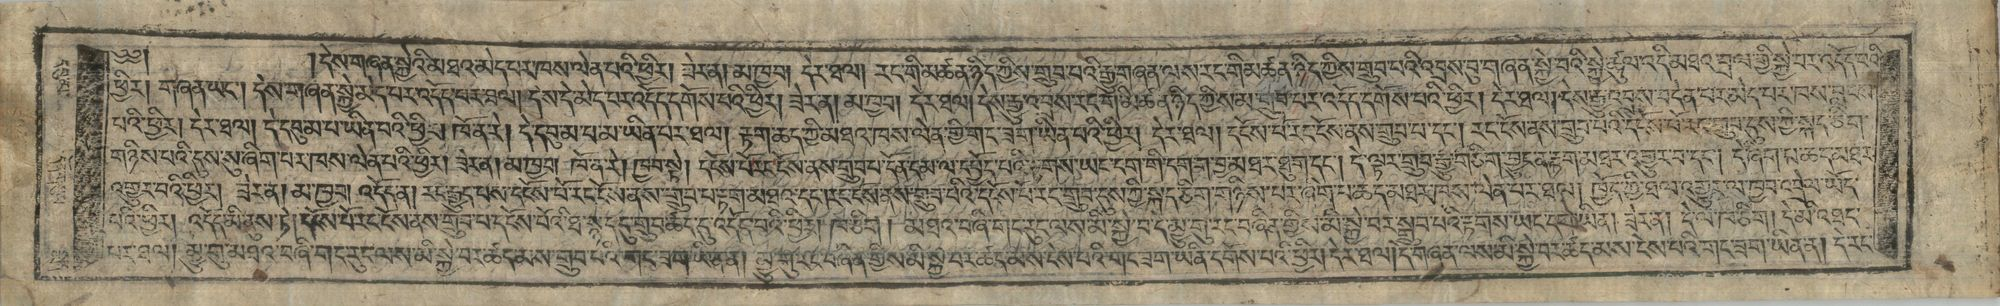༄༅། །དེས་གཞན་སྐྱེའི་མཐའ་མེད་པར་ཁས་ལེན་པའི་ཕྱིར། ཟེར་ན། མ་ཁྱབ། དེར་ཐལ། རང་གི་མཚན་ཉིད་ཀྱིས་གྲུབ་པའི་རྒྱུ་གཞན་ལས་རང་གི་མཚན་ཉིད་ཀྱིས་གྲུབ་པའི་འབྲས་བུ་གཞན་སྐྱེ་བའི་སྐྱེ་ཚུལ་འདི་མཐའ་བྲལ་གྱི་སྐྱེ་བར་འདོད་པའི་
ཕྱིར། གཞན་ཡང་། དེས་གཞན་སྐྱེ་མེད་པར་འདོད་པར་ཐལ། དེས་དེ་མེད་པར་འདོད་དགོས་པའི་ཕྱིར། ཟེར་ན། མ་ཁྱབ། དེར་ཐལ། དེས་རྒྱུ་འབྲས་རང་གི་མཚན་ཉིད་ཀྱིས་མ་གྲུབ་པར་འདོད་དགོས་པའི་ཕྱིར། དེར་ཐལ། དེས་རྒྱུ་འབྲས་བདེན་པར་མེད་པར་ཁས་བླངས་
པའི་ཕྱིར། དེར་ཐལ། དེ་དབུ་མ་པ་ཡིན་པའི་ཕྱིར། ཁོ་ན་རེ། དེ་དབུ་མ་པ་མ་ཡིན་པར་ཐལ། རྟག་ཆད་ཀྱི་མཐའ་ཁས་ལེན་གྱི་གང་ཟག་ཡིན་པའི་ཕྱིར། དེར་ཐལ། དངོས་པོ་རང་ངོས་ནས་གྲུབ་པ་དང་། རང་ངོས་ནས་གྲུབ་པའི་དངོས་པོ་རང་གྲུབ་དུས་ཀྱི་སྐད་ཅིག་
གཉིས་པའི་དུས་སུ་ཞིག་པར་ཁས་ལེན་པའི་ཕྱིར། ཟེར་ན། མ་ཁྱབ། ཁོ་ན་རེ། ཁྱབ་སྟེ། དངོས་པོ་རང་ངོས་ནས་གྲུབ་པ་དོན་དམ་ལ་དཔྱོད་པའི་རྟགས་ཡང་དག་གི་དགག་བྱ་མཐར་ཐུག་དང་། དེ་ལྟར་གྲུབ་རྒྱུ་གཅིག་བྱུང་ན་རྟག་མཐར་འགྱུར་བ་དང་། དེ་ཞིག་པ་ཆད་མཐར་
འགྱུར་པའི་ཕྱིར། ཟེར་ན། མ་ཁྱབ། འདོད་ན། རང་རྒྱུད་པས་དངོས་པོ་རང་ངོས་ནས་གྲུབ་པ་རྟག་མཐའ་དང་། རང་ངོས་ནས་གྲུབ་པའི་དངོས་པོ་རང་གྲུབ་དུས་ཀྱི་སྐད་ཅིག་གཉིས་པར་ཞིག་པ་ཆད་མཐར་ཁས་ལེན་པར་ཐལ། ཁྱོད་ཀྱི་ཐལ་འགྱུར་ལ་ཁྱབ་འབྲེལ་ཡོད་
པའི་ཕྱིར། འདོད་མི་ནུས་ཏེ། དངོས་པོ་རང་ངོས་ནས་གྲུབ་པ་དངོས་པོའི་ཐ་སྙད་དུ་གྲུབ་ཚད་དུ་འདོད་པའི་ཕྱིར། ཁ་ཅིག ། མཐའ་བཞི་གང་རུང་ལས་མི་སྐྱེ་བ་དེ་མྱུ་གུ་རང་བཞིན་གྱིས་མི་སྐྱེ་བར་སྒྲུབ་པའི་རྟགས་ཡང་དག་ཡིན། ཟེར་ན། དེ་ལ་ཁ་ཅིག ། དེ་མི་འཐད་
པར་ཐལ། མྱུ་གུ་མཐའ་བཞི་གང་རུང་ལས་མི་སྐྱེ་བར་ཚད་མས་གྲུབ་པའི་གང་ཟག་ཡིན་ན། མྱུ་གུ་རང་བཞིན་གྱིས་མི་སྐྱེ་བར་ཚད་མས་ངེས་པའི་གང་ཟག་ཡིན་དགོས་པའི་ཕྱིར། དེར་ཐལ། དེ་གཞན་ལས་མི་སྐྱེ་བར་ཚད་མས་ངེས་པའི་གང་ཟག་ཡིན་ན། དེ་རང་